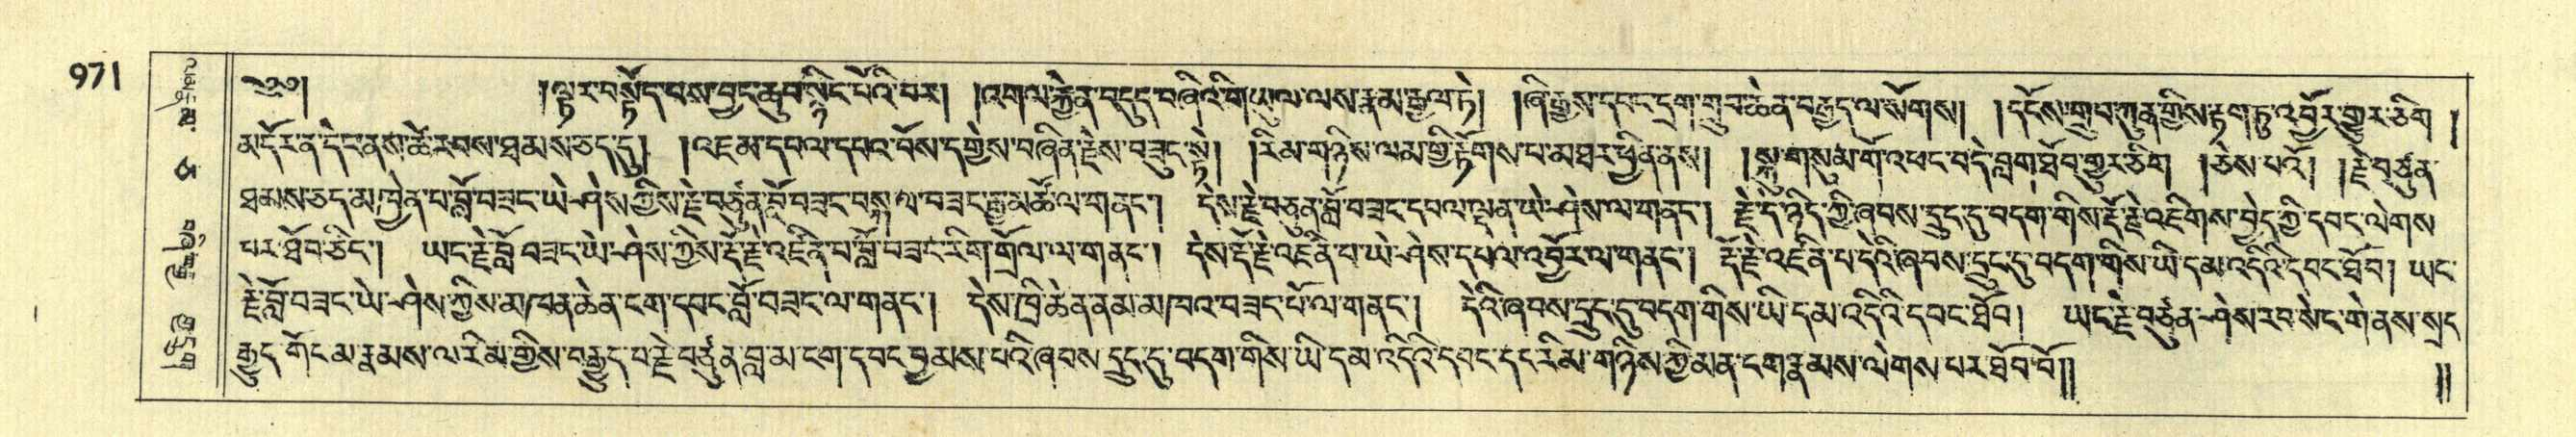༄༅། །ལྟར་བསྟོད་པས་བྱང་ཆུབ་སྙིང་པོའི་བར། །འགལ་རྐྱེན་བདུད་བཞིའི་གཡུལ་ལས་རྣམ་རྒྱལ་ཏེ། །ཞི་རྒྱས་དབང་དྲག་གྲུབ་ཆེན་བརྒྱད་ལ་སོགས། །དངོས་གྲུབ་ཀུན་གྱིས་རྟག་ཏུ་འབྱོར་གྱུར་ཅིག །
མདོར་ན་དེང་ནས་ཚེ་རབས་ཐམས་ཅད་དུ། །འཇམ་དཔལ་དཔའ་བོས་དགྱེས་བཞིན་རྗེས་བཟུང་སྟེ། །རིམ་གཉིས་ལམ་གྱི་རྟོགས་པ་མཐར་ཕྱིན་ནས། །སྐུ་གསུམ་གོ་འཕང་བདེ་བླག་ཐོབ་གྱུར་ཅིག །ཅེས་པའོ། །རྗེ་བཙུན་
ཐམས་ཅད་མཁྱེན་པ་བློ་བཟང་ཡེ་ཤེས་ཀྱིས་རྗེ་བཙུན་བློ་བཟང་བསྐལ་བཟང་རྒྱ་མཚོ་ལ་གནང་། དེས་རྗེ་བཅུན་བློ་བཟང་དཔལ་ལྡན་ཡེ་ཤེས་ལ་གནང་། རྗེ་དེ་ཉིད་ཀྱི་ཞབས་དྲུང་དུ་བདག་གིས་རྡོ་རྗེ་འཇིགས་བྱེད་ཀྱི་དབང་ལེགས་
པར་ཐོབ་ཅིང་། ཡང་རྗེ་བློ་བཟང་ཡེ་ཤེས་ཀྱིས་རྡོ་རྗེ་འཛིན་པ་བློ་བཟང་རིག་གྲོལ་ལ་གནང་། དེས་རྡོ་རྗེ་འཛིན་པ་ཡེ་ཤེས་དཔལ་འབྱོར་ལ་གནང་། རྡོ་རྗེ་འཛིན་པ་དེའི་ཞབས་དྲུང་དུ་བདག་གིས་ཡི་དམ་འདིའི་དབང་ཐོབ། ཡང་
རྗེ་བློ་བཟང་ཡེ་ཤེས་ཀྱིས་མཁན་ཆེན་ངག་དབང་བློ་བཟང་ལ་གནང་། དེས་ཁྲི་ཆེན་ནམ་མཁའ་བཟང་པོ་ལ་གནང་། དེའི་ཞབས་དྲུང་དུ་བདག་གིས་ཡི་དམ་འདིའི་དབང་ཐོབ། ཡང་རྗེ་བཙུན་ཤེས་རབ་སེང་གེ་ནས་སྲད་
རྒྱུད་གོང་མ་རྣམས་ལ་རིམ་གྱིས་བརྒྱུད་པ་རྗེ་བཙུན་བླ་མ་ངག་དབང་བྱམས་པའི་ཞབས་དྲུང་དུ་བདག་གིས་ཡི་དམ་འདིའི་དབང་དང་རིམ་གཉིས་ཀྱི་མན་ངག་རྣམས་ལེགས་པར་ཐོབ་བོ།། །།